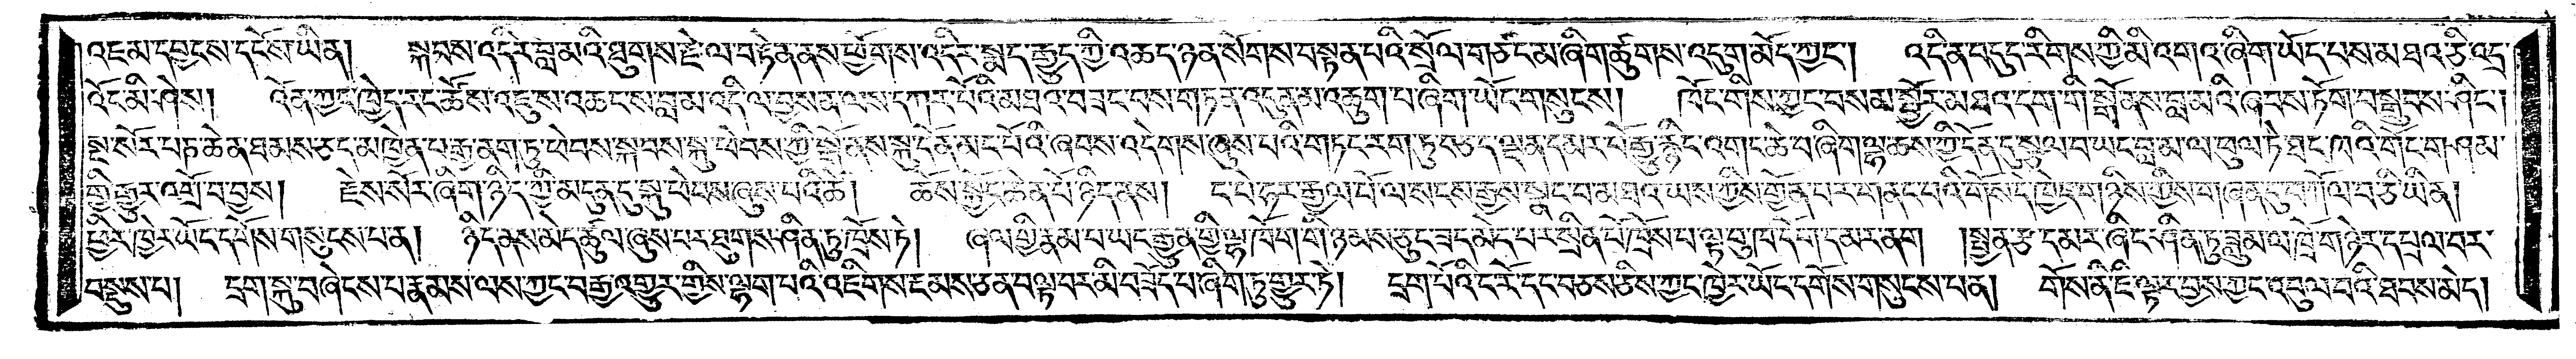འཇམ་དབྱངས་དངོས་ཡིན། སྐབས་འདིར་བླ་མའི་ཐུགས་རྗེ་ལ་བརྟེན་ནས་ཕྱོགས་འདིར་སྨད་རྒྱུད་ཀྱི་འཆད་ཉན་སོགས་བསྟན་པའི་སྲོལ་གཙང་མ་ཞིག་ཚུགས་འདུག་མོང་ཀྱང་། འདི་ན་བདུད་རིགས་ཀྱི་མི་འགའ་ཞིག་ཡོད་པས་མཐའ་ཅི་འདྲ་
འོང་མི་ཤེས། འོན་ཀྱང་ཁྱེད་རང་ཚོས་འཇུས་འཆང་ས་བླ་མ་འདི་ལ་བྱས་ན་ལས་དཀར་པོའི་མཐའ་བཟང་བས་གཏན་འདུན་མ་འཆུག་པ་ཞིག་ཡོང་གསུངས། ཁོང་གིས་ཀྱང་བསམ་སྦྱོར་མཐའ་དག་གི་སྒོ་ནས་བླ་མའི་ཞབས་ཏོག་བསྒྲུབས་ཤིང་།
སྔ་སོར་པཎ་ཆེན་ཐམས་ཅད་མཁྱེན་པ་རྒྱ་ནག་ཏུ་ཕེབས་སྐབས་སྐུ་ཕེབས་ཀྱི་སྒོ་ནས་སྐུ་དོན་མང་པོའི་ཞབས་འདེགས་ཞུས་པའི་གཏང་རག་ཏུ་བཅད་ལྡན་དམར་པོ་རྒྱུ་རྙིང་འགང་ཆེ་བ་ཞིག་ལྷ་ཆས་ཀྱི་དོན་དུ་སྩལ་བ་ཡང་བླ་མ་ལ་ཕུལ་ཏེ་ཐང་ཁའི་གོང་གཤམ་
གྱི་རྒྱུར་འགྲོ་བ་བྱས། རྗེས་སོར་ཞིག་ཉིད་ཀྱི་མདུན་དུ་སྐུ་ཕེབས་ཞུས་བའི་ཚེ། ཆོས་སྐྱོང་ཆེན་པོ་ཉིད་ནས། ང་པེ་ཧར་རྒྱལ་པོ་ལ་སངས་རྒྱས་སྣང་བ་མཐའ་ཡས་ཀྱིས་གྱོན་པར་གནང་བའི་གོས་དེ་ཁྱེད་གཉིས་ཀྱིས་གཞན་དུ་བཀོལ་བ་ཅི་ཡིན།
ཕྱིར་ཁྱེར་ཡོང་དགོས་གསུངས་པ་ན། ཉིད་ནས་མེད་ཚུལ་ཞུས་པར་ཐུགས་ཤིན་ཏུ་ཁྲོས་ཏེ། ཞལ་གྱི་རྣམ་པ་ཡང་རྒྱུན་གྱི་ལྷ་ཁོག་གི་ཉམས་ཅུང་ཟད་མེད་པར་སྲིན་པོ་ཁྲོས་པ་ལྟ་བུ་དོག་དམར་ནག །སྤྱན་རྩ་དམར་ཞིང་ཤིན་ཏུ་ཟླུམ་ལ་ཁྲོ་གཉེར་དཔྲལ་བར་
བསྡུས་པ། དྲག་སྐུ་བཞེངས་པ་རྣམས་ལས་ཀྱང་བརྒྱ་འགྱུར་གྱིས་ལྷག་པའི་འཇིགས་རྔམས་ཅན་བལྟ་བར་མི་བཟོད་བ་ཞིག་ཏུ་གྱུར་ཏེ། དྲག་པོའི་ང་རོ་དང་བཅས་ཅིས་ཀྱང་ཁྱེར་ཡོང་དགོས་གསུངས་པ་ན། གོས་ནི་ཇི་ལྟར་བྱས་ཀྱང་འབུལ་བའི་ཐབས་མེད།